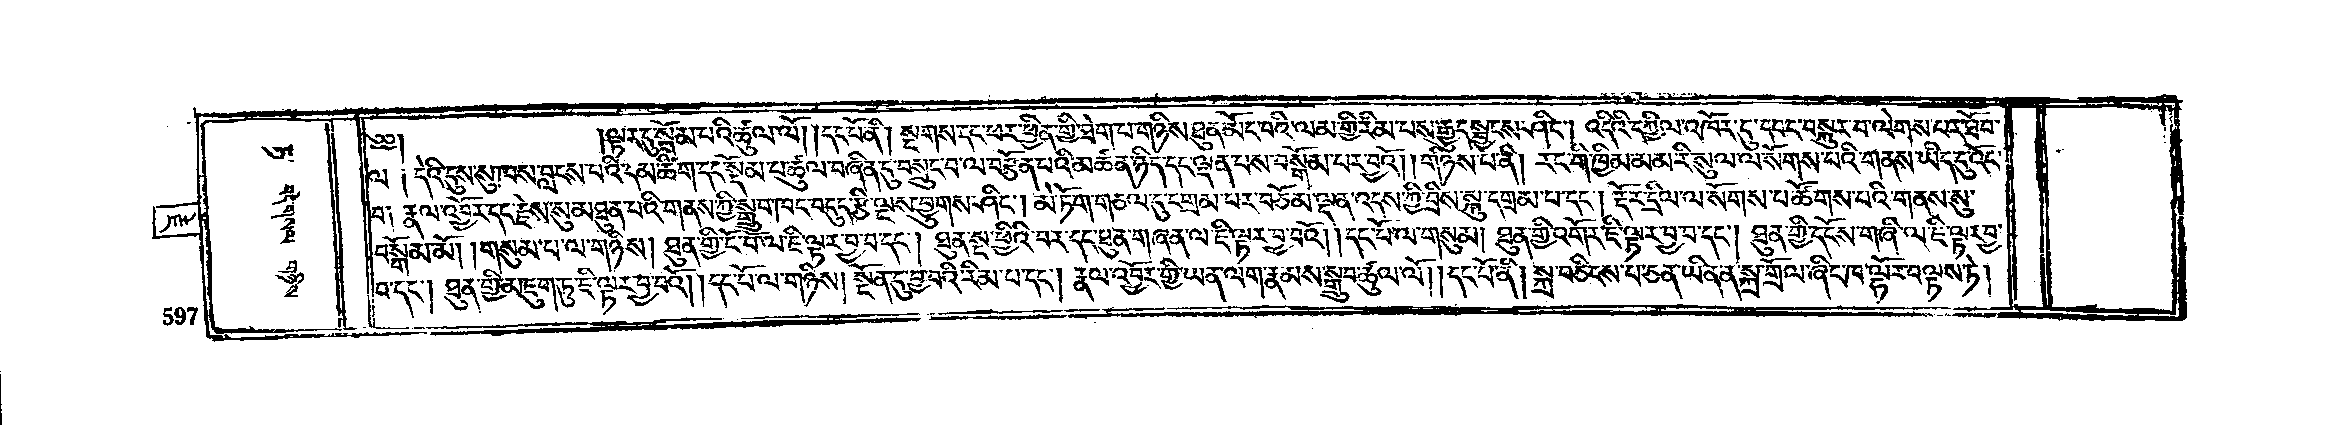༄༅། །ལྟར་དུ་སྒོམ་པའི་ཚུལ་ལོ། །དང་པོ་ནི། སྔགས་དང་ཕར་ཕྱིན་གྱི་ཐེག་པ་གཉིས་ཐུན་མོང་བའི་ལམ་གྱི་རིམ་པས་རྒྱུད་སྦྱངས་ཤིང་། འདིའི་དཀྱིལ་འཁོར་དུ་དབང་བསྐུར་བ་ལེགས་པར་ཐོབ་
ལ། དེའི་དུས་སུ་ཁས་བླངས་པའི་དམ་ཚིག་དང་སྡོམ་པ་ཚུལ་བཞིན་དུ་བསྲུང་བ་ལ་བརྩོན་པའི་མཚན་ཉིད་དང་ལྡན་པས་བསྒོམ་པར་བྱའོ། །གཉིས་པ་ནི། རང་གི་ཁྱིམ་མམ་རི་སུལ་ལ་སོགས་པའི་གནས་ཡིད་དུ་འོང་
བ། རྣལ་འབྱོར་དང་རྗེས་སུ་མཐུན་པའི་གནས་ཀྱི་སྒྲུབ་ཁང་བདུད་རྩི་ལྔས་བྱུགས་ཤིང་། མེ་ཏོག་གཅལ་དུ་དགྲམ་པར་བཅོམ་ལྡན་འདས་ཀྱི་བྲིས་སྐུ་དགྲམ་པ་དང་། རྡོར་དྲིལ་ལ་སོགས་པ་ཚོགས་པའི་གནས་སུ་
བསྒོམ་མོ། །གསུམ་པ་ལ་གཉིས། ཐུན་གྱི་ངོ་བོ་ལ་ཇི་ལྟར་བྱ་བ་དང་། ཐུན་སྔ་ཕྱིའི་བར་དང་ཐུན་གཞན་ལ་ཇི་ལྟར་བྱ་བའོ། །དང་པོ་ལ་གསུམ། ཐུན་གྱི་འགོར་ཇི་ལྟར་བྱ་བ་དང་། ཐུན་གྱི་དངོས་གཞི་ལ་ཇི་ལྟར་བྱ་
བ་དང་། ཐུན་གྱི་མཇུག་ཏུ་ཇི་ལྟར་བྱ་བའོ། །དང་པོ་ལ་གཉིས། སྔོན་དུ་བྱ་བའི་རིམ་པ་དང་། རྣལ་འབྱོར་གྱི་ཡན་ལག་རྣམས་སྒྲུབ་ཚུལ་ལོ། །དང་པོ་ནི། སྐྲ་བཅིངས་པ་ཅན་ཡིན་ན་སྐྲ་གྲོལ་ཞིང་ཁ་ལྷོར་བལྟས་ཏེ།